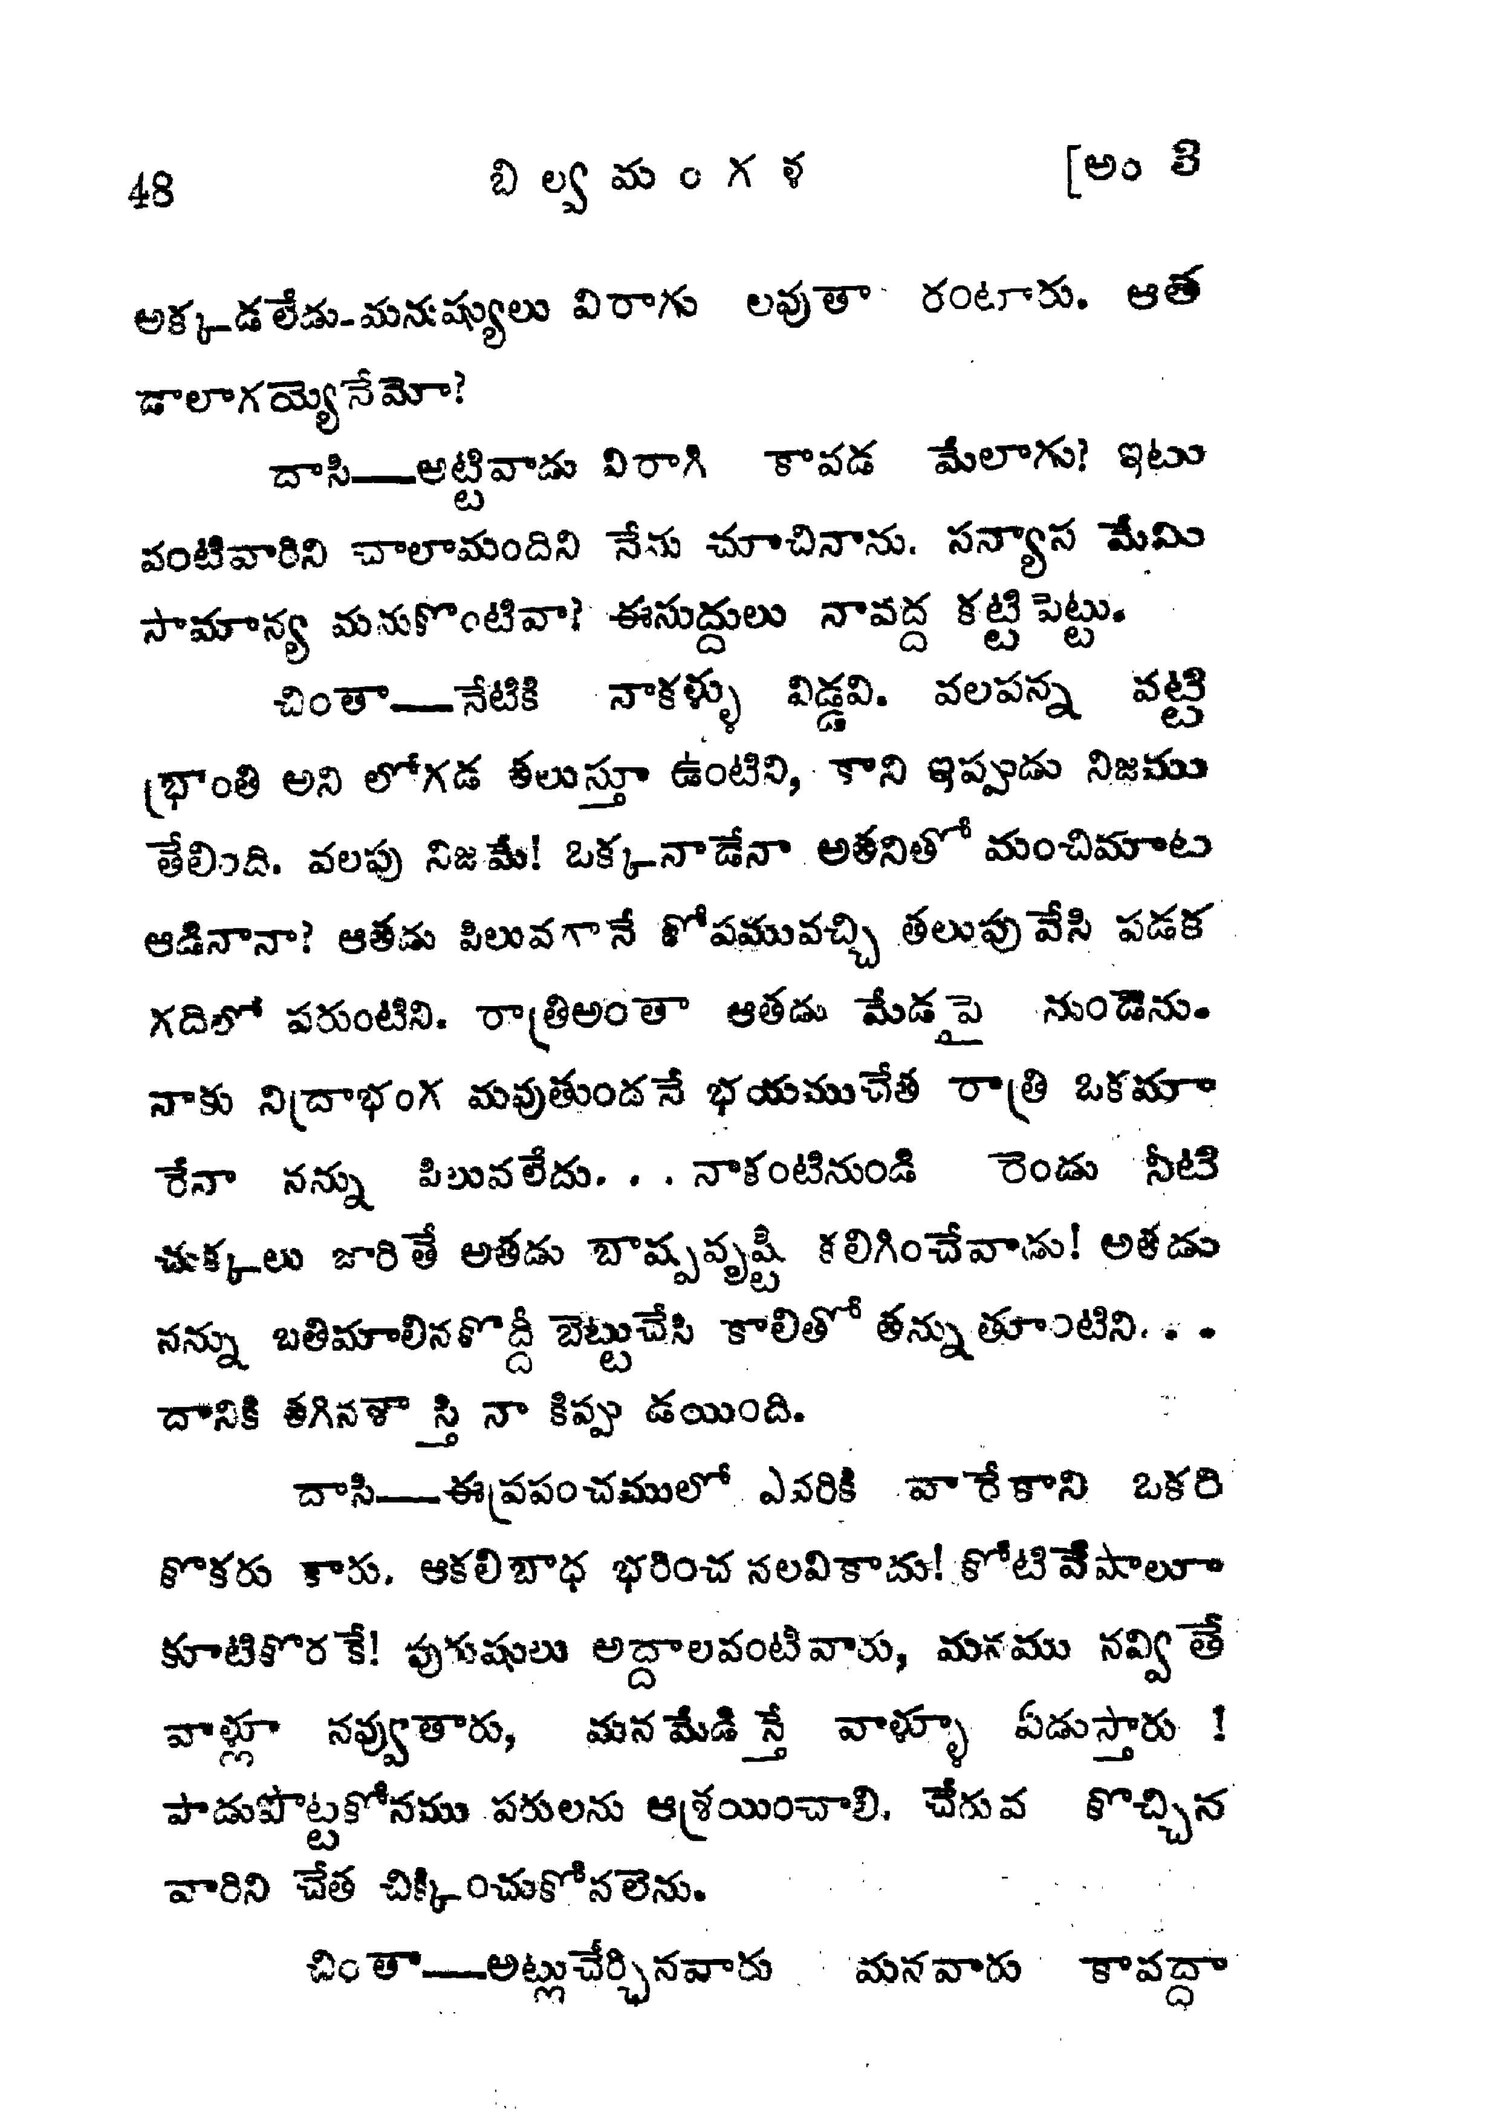అక్కడలేడు-మనుష్యులు విరాగు లవుతా రంటారు. ఆత డాలాగయ్యెనేమో?

దాసి - అట్టివాడు విరాగి కావడ మేలాగు? ఇటువంటివారిని చాలామందిని నేను చూచినాను. సన్యాస మేమి సామాన్య మనుకొంటివా? ఈసుద్దులు నావద్ద కట్టిపెట్టు.

చింతా - నేటికి నాకళ్ళు విడ్డవి. వలపన్న వట్టి భ్రాంతి అని లోగడ తలుస్తూ ఉంటిని, కాని ఇప్పుడు నిజము తేలింది. వలపు నిజమే! ఒక్కనాడేనా అతనితో మంచిమాట ఆడినానా? ఆతడు పిలువగానే కోపమువచ్చి తలుపువేసి పడక గదిలో పరుంటిని. రాత్రి అంతా ఆతడు మేడపై నుండెను. నాకు నిద్రాభంగ మవుతుందనే భయముచేత రాత్రి ఒకమారేనా నన్ను పిలువలేదు... నాకంటినుండి రెండు నీటి చుక్కలు జారితే అతడు బాష్పవృష్టి కలిగించేవాడు! అతడు నన్ను బతిమాలినకొద్దీ బెట్టుచేసి కాలితో తన్నుతూంటిని.. దానికి తగినశాస్తి నా కిప్పు డయింది.

దాసి - ఈప్రపంచములో ఎవరికి వారేకాని ఒకరి కొకరు కారు. ఆకలిబాధ భరించ నలవికాదు! కోటివేషాలూ కూటికొరకే! పురుషులు అద్దాలవంటివారు, మనము నవ్వితే వాళ్లూ నవ్వుతారు. మనమేడిస్తే వాళ్ళూ ఏడుస్తారు ! పాడుపొట్టకోసము పరులను ఆశ్రయించాలి. చేరువ కొచ్చిన వారిని చేత చిక్కించుకోవలెను.

చింతా - అట్లుచేర్చినవారు మనవారు కావద్దా